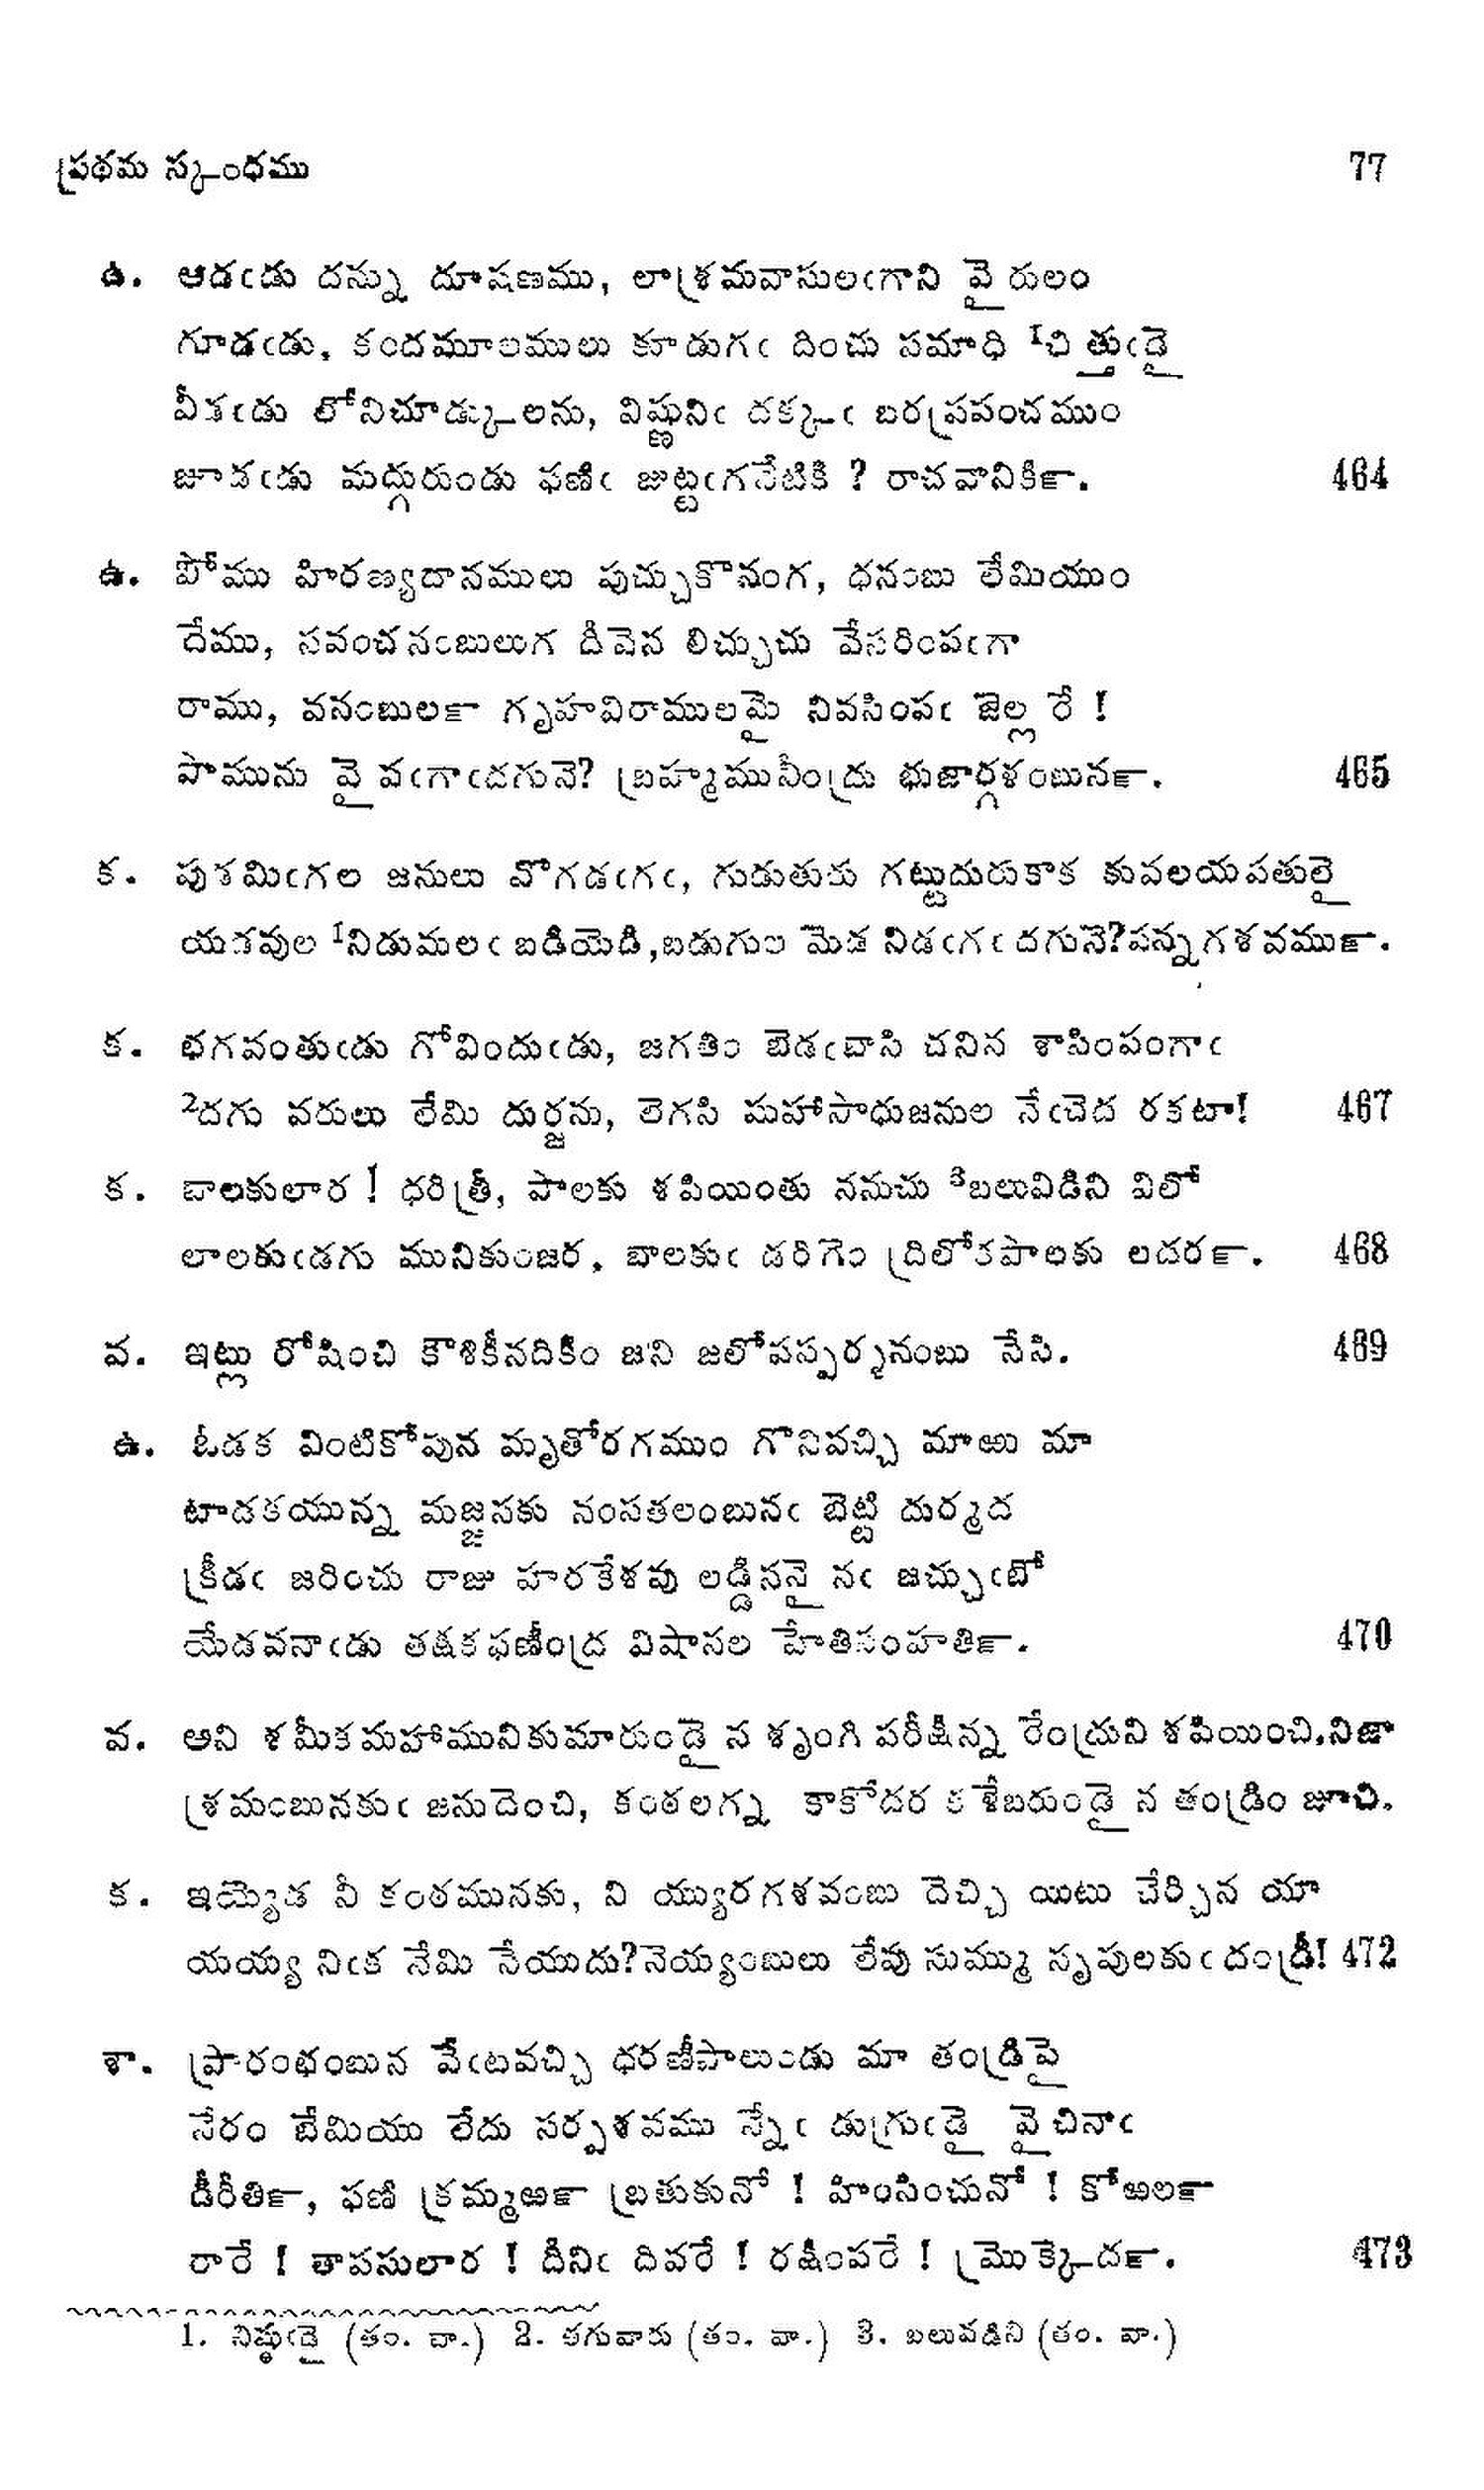77

ఉ. ఆడఁడు దన్ను దూషణము, లాశ్రమవాసులఁహాని వైరులం

గూడఁడు, కందమూలములు కూడుగఁ దించు సమాధి చిత్తుఁడై

వీడఁడు లోనిచూడ్కులను, విష్ణుని దక్కఁ బరప్రపంచముం

జూడఁడు మద్గురుండు ఫణిఁ జుట్టఁగనేటికి ? రాచవానికిన్ . (464)

ఉ. పోము హిరణ్యదానములు పుచ్చుకొనంగ, ధనంబు లేమియుం

దేము, నవంచనంబులుగ దీవెన లిచ్చుచు వేసరింపఁగా

రాము, వనంబులన్ గృహవిరాములమై నివసింపఁ జెల్లరే !

పామును, వైవఁగాఁదగునె ? బ్రహ్మమునీంద్రు భుజార్గళంబునన్ .(465)

క. పుడమిఁగల జనులు వొగడఁగఁ. గుడుతురు గట్టుదురుకాక కువలయపతులై

యడవుల నిడుమలఁ బడియెడి, బడుగుల మెడ నిడఁగ దగునె ? పన్నగశవమున్ .(466)

క. భగవంతుఁడు గోవిందుఁడు, జగతిం బెడఁబాసి చనిన శాసింపంగాఁ

దగువరులు లేమి దుర్జను, లెగసి మహాధునుల నేఁచెద రకటా ! (467)

క. బాలకులార ! ధరిత్రీ. పాలకు శపియింతు ననుచు బలువిడిని విలో

లాలకుఁడగు మునికుంకర, బాలకుఁ డరిగెం ద్రిలోకపాలకు లదరన్ . (468)

వ. ఇట్లు రోషించి కౌశికిఇనదికిం జని కలోపస్పర్శనంబు సేసి . (469)

ఉ. ఓడక వింటికోపున మృతోరగముం గొనివచ్చి మాఱు మా

టాడకయున్న మజ్జనకు సంసతలంబునఁ బెట్టి దుర్మద

క్రీడఁ జరించు రాజు హరకేశవు లడ్డిననైనఁ జచ్చుఁబో

యేడవనాఁడ తక్షక ఫణీంద్ర విషానల హేతిసంహతిన్ . (470)

వ. అని శమీకమహామునికుమారుండైన శృంగి పరీక్షిన్నరేంద్రుని శపియించి, నిజాశ్రమంబునకుఁ జనుదెంచి, కంఠలగ్న కాకోదర కళేబరుండై న తండ్రిం జూచి . (471)

క. ఇయ్యెడ నీ కంఠమునకు, నియ్యురగశవంబు దెచ్చి యిటు చేర్చిన యా

యయ్య నిఁక నేమి సేయుదు ? నెయ్యంబులు లేవు సుమ్ము నపులకుఁ దండ్రీ ! (472)

శా. ప్రారంభంబున వేఁటవచ్చి ధరణీపాలుండు మా తండ్రిపై

నేరం బేముయు లేదు సర్పశవను న్నేఁడుగ్రుఁడై వైచినాఁ

డీరీతిన్న్ ఫణి క్రమ్మఱన్ బ్రతుకునో ! హంసించునో ! కోఱలన్

రారే ! తాపసులార ! దీనిఁ దివరే ! రక్షింపరే ! మ్రొక్కెదన్ . (473)